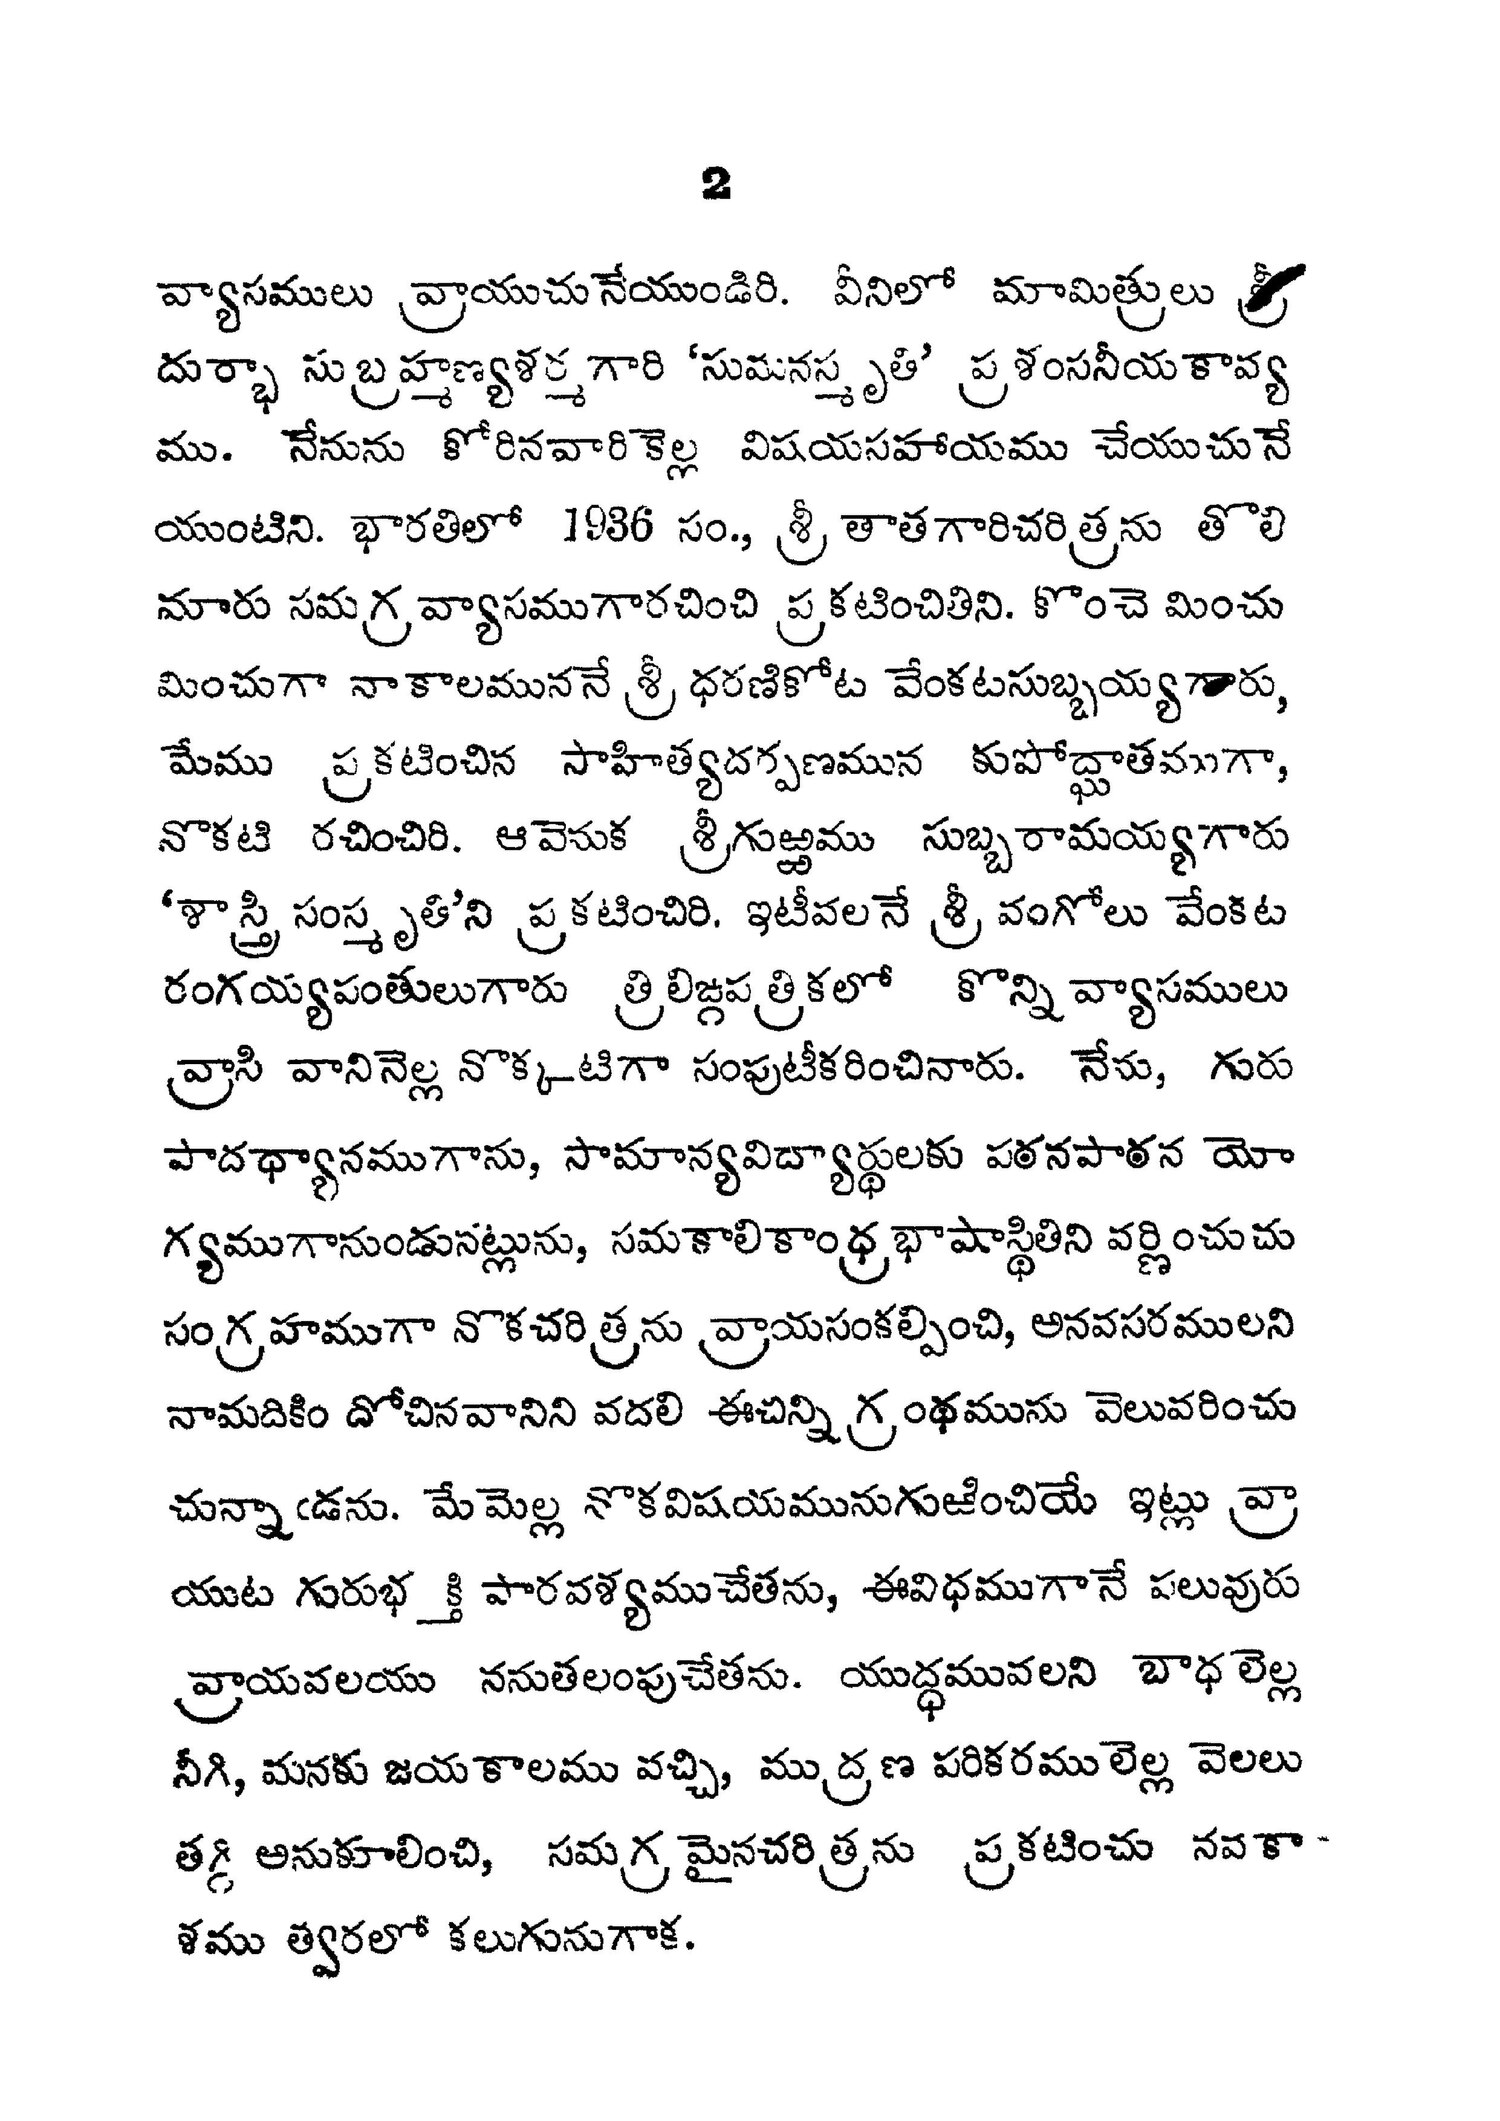వ్యాసములు వ్రాయుచునేయుండిరి. వీనిలో మామిత్రులు శ్రీ దుర్భా సుబ్రహ్మణ్యశర్మ గారి 'సుమనస్మృతి' ప్రశంసనీయకావ్యము. నేనును కోరినవారికెల్ల విషయసహాయము చేయుచునే యుంటిని. భారతిలో 1936 సం., శ్రీతాతగారిచరిత్రను తొలిమారు సమగ్ర వ్యాసముగారచించి ప్రకటించితిని. కొంచె మించు మించుగా నాకాలముననే శ్రీధరణికోట వేంకటసుబ్బయ్యగారు, మేము ప్రకటించిన సాహిత్యదర్పణమున కుపోద్ఘాతముగా, నొకటి రచించిరి. ఆవెనుక శ్రీగుఱ్ఱము సుబ్బరామయ్యగారు 'శాస్త్రి సంస్మృతి'ని ప్రకటించిరి. ఇటీవలనే శ్రీ వంగోలు వేంకట రంగయ్యపంతులుగారు త్రిలిఙ్గపత్రికలో కొన్ని వ్యాసములు వ్రాసి వానినెల్ల నొక్కటిగా సంపుటీకరించినారు. నేను, గురుపాదథ్యానముగాను, సామాన్యవిద్యార్థులకు పఠనపాఠన యోగ్యముగానుండునట్లును, సమకాలికాంధ్రభాషాస్థితిని వర్ణించుచు సంగ్రహముగా నొకచరిత్రను వ్రాయసంకల్పించి, అనవసరములని నామదికిం దోచినవానిని వదలి ఈచిన్నిగ్రంథమును వెలువరించు చున్నాడను. మేమెల్ల నొకవిషయమునుగుఱించియే ఇట్లు వ్రాయుట గురుభక్తి పారవశ్యముచేతను, ఈవిధముగానే పలువురు వ్రాయవలయు ననుతలంపుచేతను. యుద్ధమువలని బాధలెల్ల నీగి, మనకు జయకాలము వచ్చి, ముద్రణ పరికరములెల్ల వెలలు తగ్గి అనుకూలించి, సమగ్రమైనచరిత్రను ప్రకటించు నవకాశము త్వరలో కలుగునుగాక.